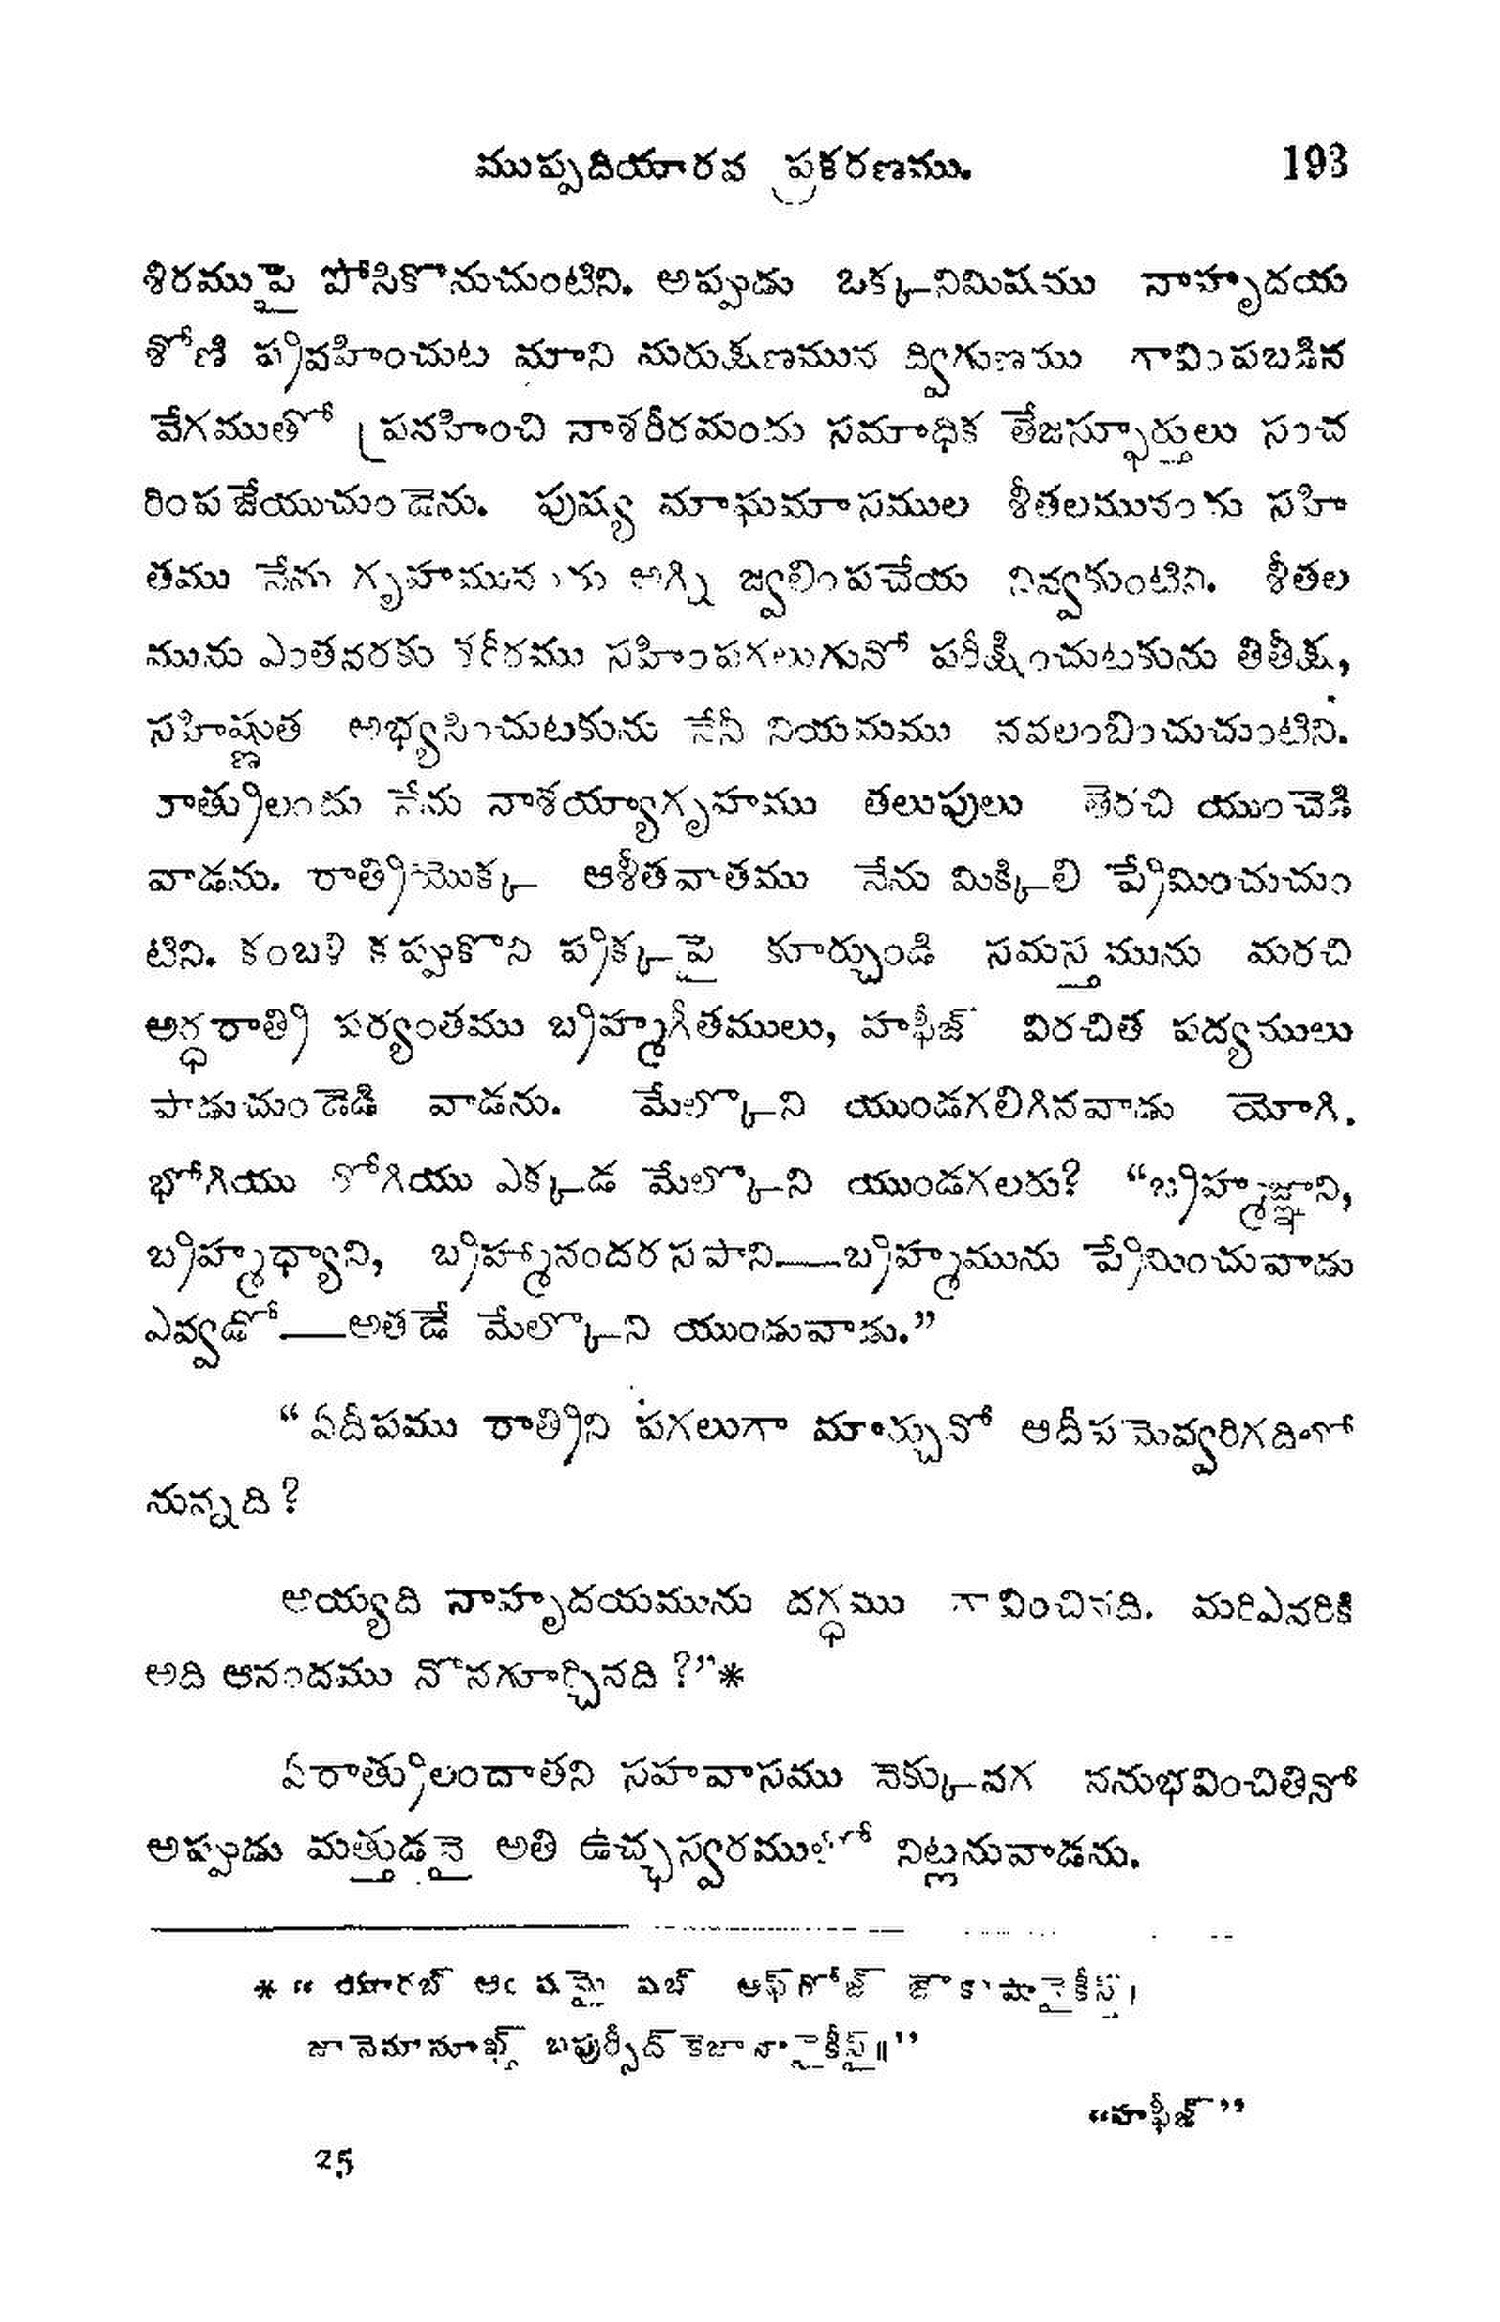శిరము పై పోసికొను చుంటిని. అప్పుడు ఒక్క నిమిషము నాహృదయ
శోణి ప్రవహించుట మాని మరుక్షణమునద్విగుణము గావింపబడిన 
వేగముతోప్రవహించి నాశరీరమందు సమాధిక తేజస్ఫూర్తులు సంచరింప 
జేయుచుం డెను. పుష్య మాఘమాసముల శీతలమునకు సహితము నేను 
గృహమున అగ్ని జ్వలింపచేయ నివ్వకుంటిని. శీతలమును 
ఎంతవరకు శరీరము సహింపగలుగునో పరీక్షించుటకును తితీక్ష,
సహిష్ణుత అభ్యసించుటకును నేనీ నియమము నవలంబించుచుంటిని.
రాత్రులందు నాశయ్యాగృహము తలుపులు తెరచి యుంచెడి
వాడను. రాత్రి యొక్క ఆశీత వాతము నేను మిక్కిలి ప్రేమించు చుంటిని. 
కంబళి కప్పుకొని పక్కపై కూర్చుండి. సమస్తమును మరచి 
అర్ధరాత్రి పర్యంతము బ్రహ్మగీతములు, హఫీజ్' విరచిత పద్యములుపాడు 
చుండెడి వాడను.మేల్కొని యుండగలిగినవాడు యోగి,భోగియు రోగియు 
ఎక్కడ మేల్కొని యుండగలరు? బ్రహ్మజ్ఞాని,బాహ్మద్యాని, బ్రహ్మానందరసపాని బాహ్మమును ప్రేమించు వాడుఎవ్వడో అతడే మేల్కొని యుండువాడు. ”
“ ఏదీపము రాత్రిని పగలుగా మార్చునోఆదీప మెవ్వరి గదిలో నున్నది?

ఆయ్యది నాహృదయమును దగ్గము గావించినది. మరి ఎవరికి
అది ఆనందము నొనగూర్చినది?' *

ఏరాత్రులందాతని సహవాసము నెక్కువగ ననుభవించితినో
అప్పుడు మత్తుడనై అతి ఉచ్ఛస్వరము లో. * నిట్లను వాడను.